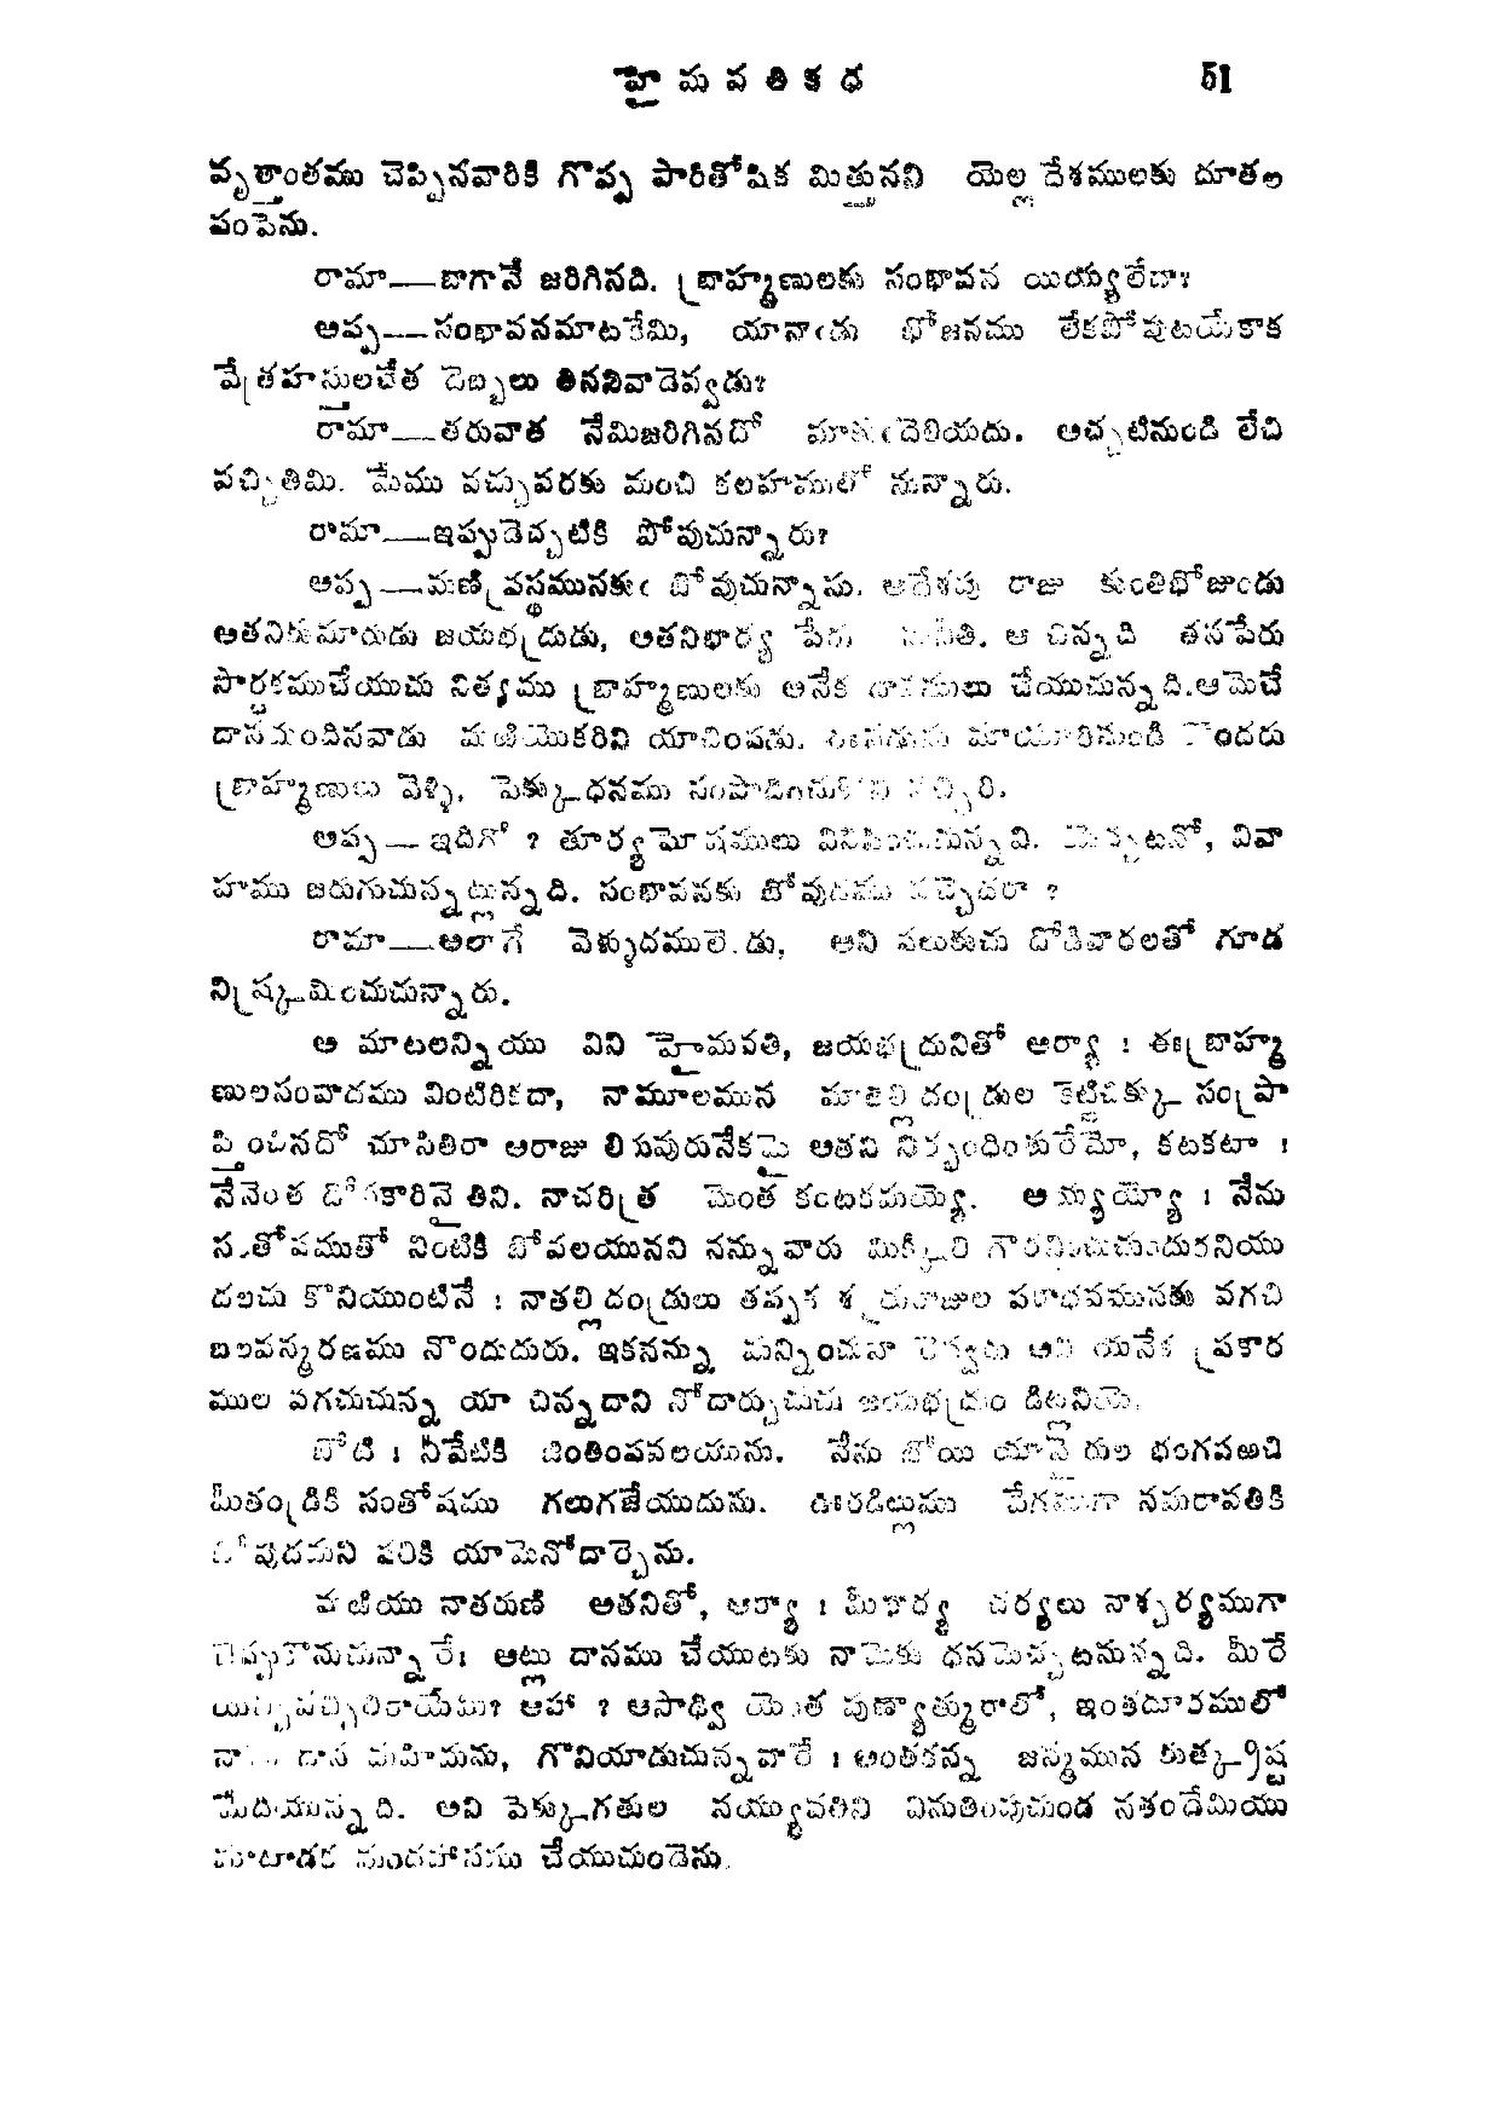వృత్తాంతము చెప్పినవారికి గొప్ప పారితోషిక మిత్తునని యెల్ల దేశములకు దూతల పంపెను.

రామా - బాగానే జరిగినది. బ్రాహ్మణులకు సంభావన యియ్య లేదా?

అప్ప --- సంభావనమాట కేమి, యానాఁడు భోజనము లేకపోవుటయేకాక వేత్రహస్తులచేత దెబ్బలు తిననివాడెవ్వడు?

రామా - తరువాత నేమి జరిగినదో మాకుఁ దెలియదు. అచ్చటినుండి లేచి వచ్చితిమి. మేము వచ్చువరకు మంచి కలహములో నున్నారు.

రామా - ఇప్పుడెచ్చటికి పోవుచున్నారు?

అప్ప -- మణిప్రస్థమునకుఁ బోవుచున్నాను. ఆదేశపు రాజు కుంతిభోజుండు అతనికుమారుడు జయభద్రుడు, అతనిభార్య పేరు సునీతి. ఆ చిన్నది తనపేరు సార్దకముచేయుచు నిత్యము బ్రాహ్మణులకు అనేకదానములు చేయుచున్నది. ఆమెచే దానమందినవాడు మఱియొకరిని యాచింపడు. ఈనడుమ మాయూరినుండి కొందరు బ్రాహ్మణులు వెళ్ళి, పెక్కు ధనము సంపాదించుకొని వచ్చిరి.

అప్ప -- ఇదిగో ? తూర్యఘోషములు వినిపించుచున్నవి. యెచ్చటనో, వివాహము జరుగుచున్నట్లున్నది. సంభావనకు బోవుదము వచ్చెదరా ?

రామా - అలాగే వెళ్ళుదములెండు, అని పలుకుచు దోడివారలతో గూడ నిష్క్రమించుచున్నారు.

ఆ మాటలన్నియు విని హైమవతి, జయభద్రునితో ఆర్యా ! ఈబ్రాహ్మణులసంవాదము వింటిరికదా, నామూలమున మాతల్లి దండ్రుల కెట్టిచిక్కు సంప్రాప్తించినదో చూసితిరా ఆరాజు లిరువురునేకమై అతని నిర్భంధింతురేమో, కటకటా! నేనెంత దోషకారినైతిని. నాచరిత్ర మెంత కంటకమయ్యె. అయ్యయ్యో! నేను సంతోషముతో నింటికి బోవలయునని నన్ను వారు మిక్కిలి గౌరవించుచుందు రనియు దలచు కొనియుంటినే? నాతల్లిదండ్రులు తప్పక శత్రురాజుల పరాభవమునకు వగచి బలవన్మరణము నొందుదురు. ఇకనన్ను మన్నించువా రెవ్వరు అని యనేక ప్రకారముల వగచుచున్న యా చిన్నదాని నోదార్చుచుచు జయభద్రుం డిట్లనియె.

బోటి! నీవేటికి జింతింపవలయును. నేను బోయి యావైరుల భంగపఱచి మీతండ్రికి సంతోషము గలుగజేయుదును. ఊరడిల్లుము వేగముగా నమరావతికి బోవుదమని పలికి యామెనోదార్చెను.

మఱియు నాతరుణి అతనితో, ఆర్యా! మీభార్య చర్యలు నాశ్చర్యముగా చెప్పుకొనుచున్నారే! అట్లు దానము చేయుటకు నామెకు ధనమెచ్చటనున్నది. మీరే యిచ్చివచ్చితిరాయేమి? ఆహా? ఆసాధ్వి యెంత పుణ్యాత్మురాలో, ఇంతదూరములో నామె దానమహిమను, గొనియాడుచున్నవారే! అంతకన్న జన్మమున కుత్కృష్ట మేదియున్నది. అని పెక్కుగతుల నయ్యువతిని వినుతింపుచుండ నతండేమియు
మాటాడక మందహాసము చేయుచుండెను.